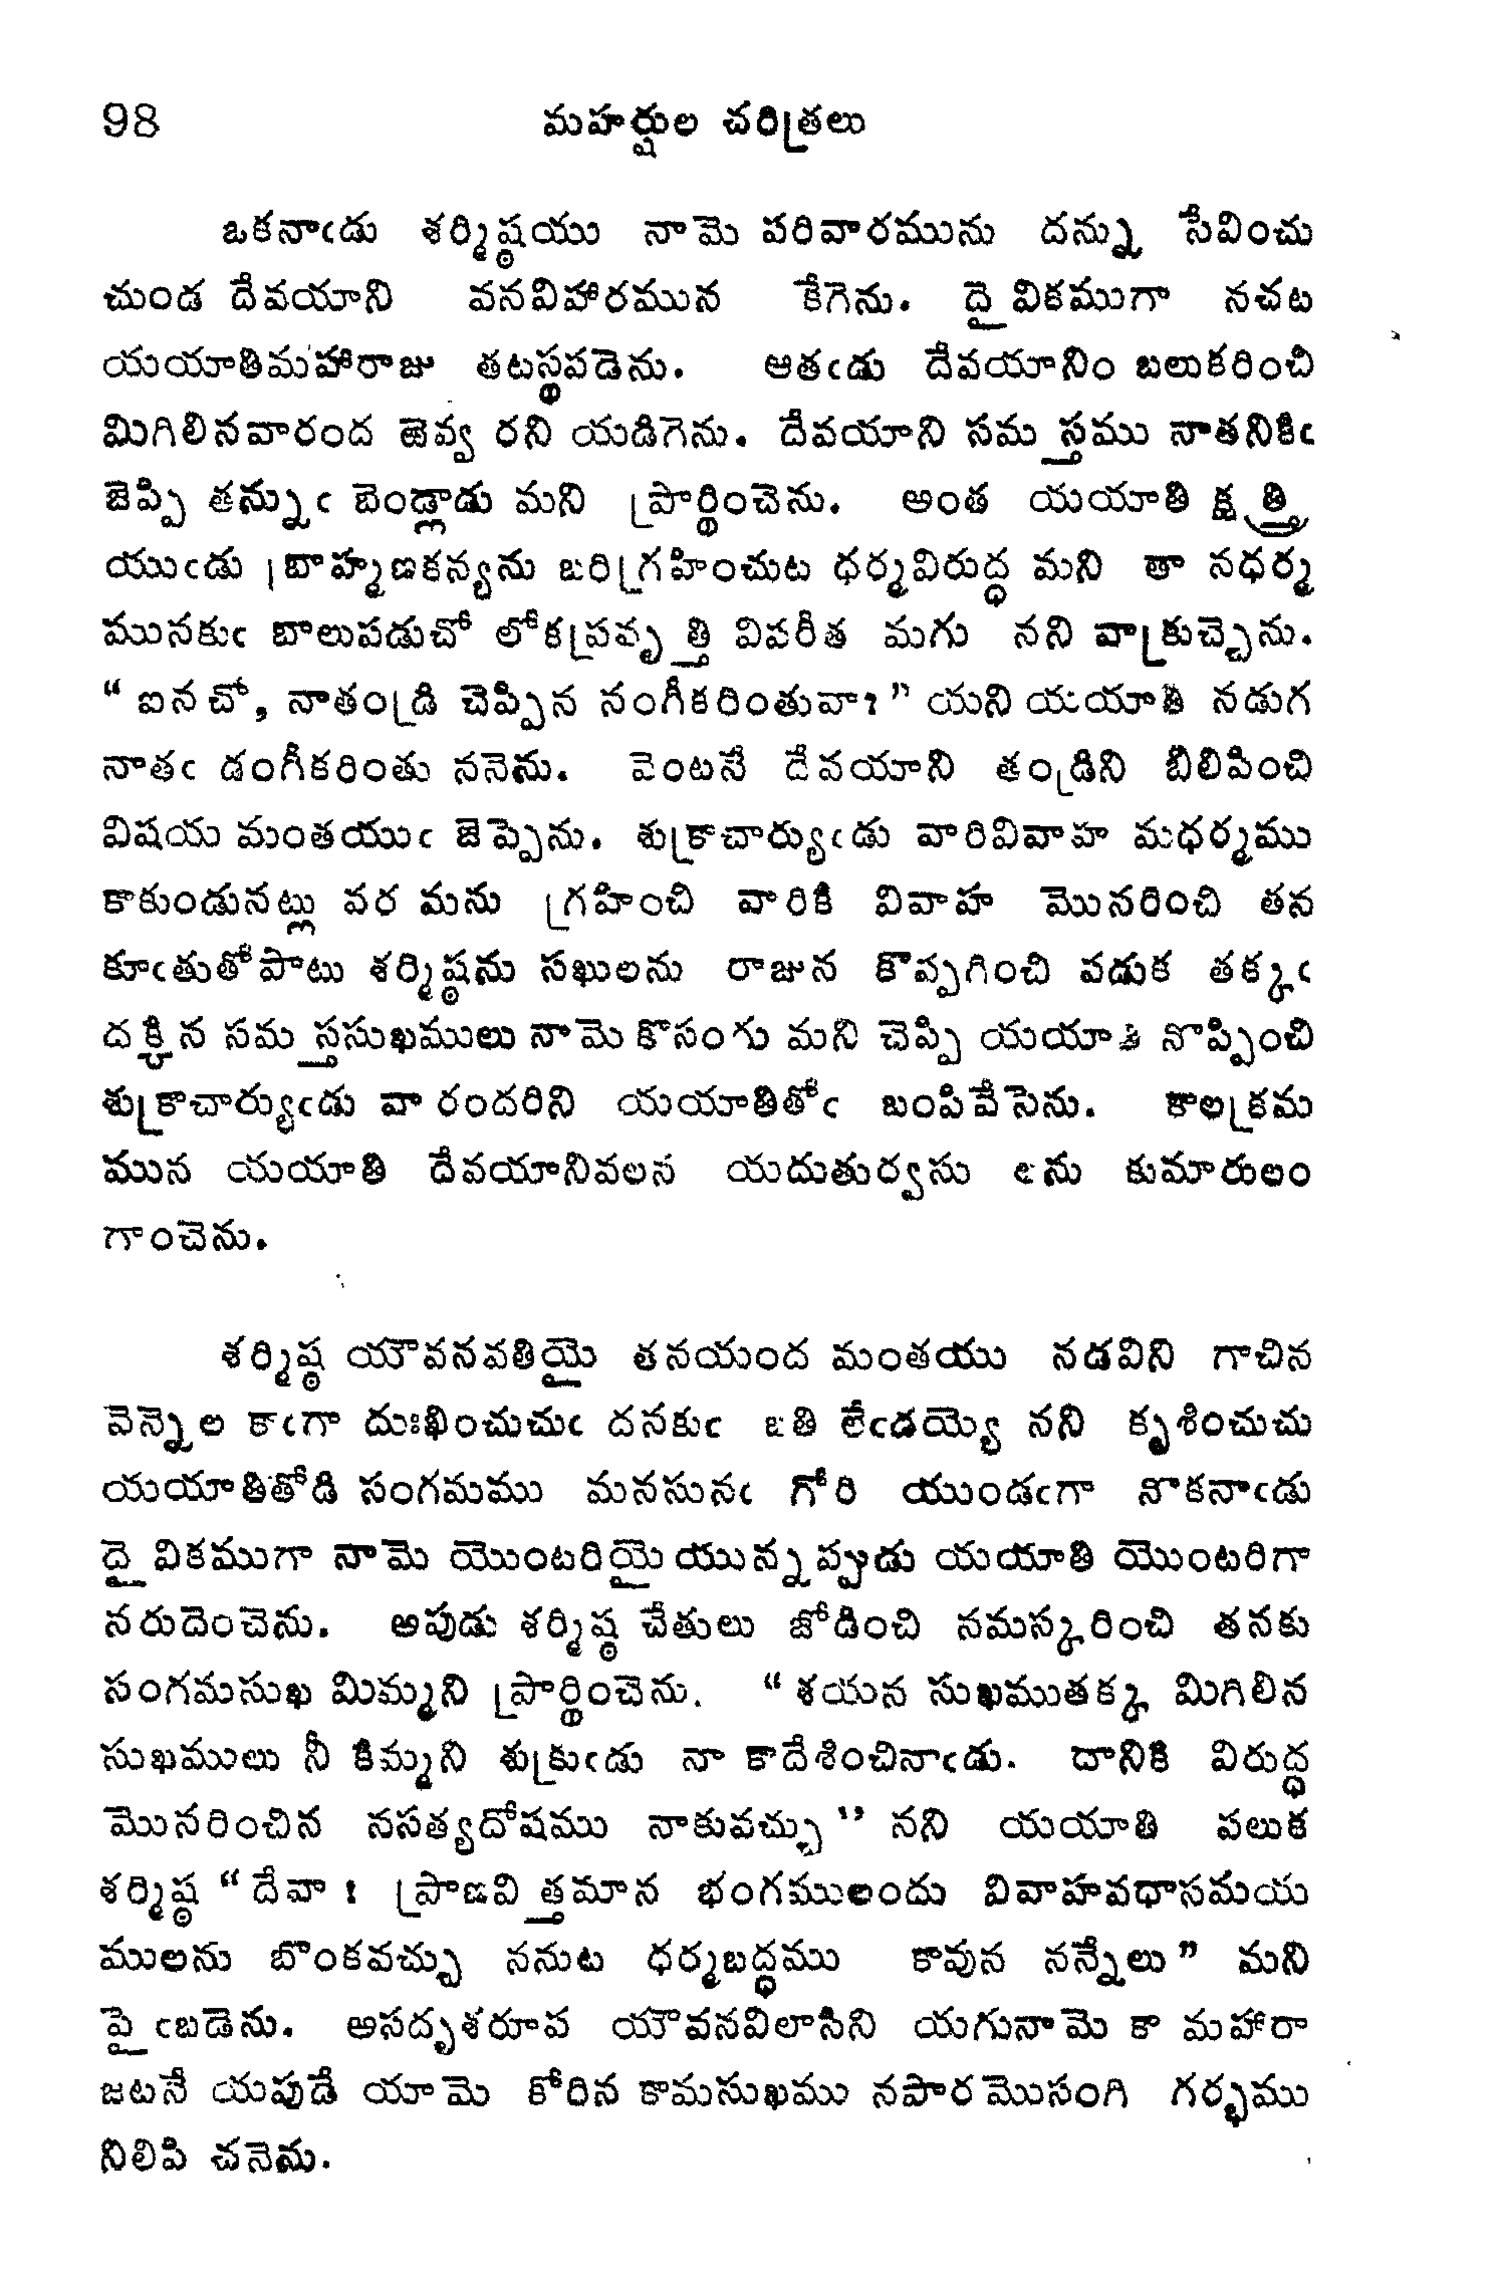ఒకనాఁడు శర్మిష్టయు నామె పరివారమును దన్ను సేవించుచుండ దేవయాని వనవిహారమున కేగెను. దై వికముగా నచట యయాతిమహారాజు తటస్థపడెను. ఆతఁడు దేవయానిం బలుకరించి మిగిలినవారంద ఱెవ్వ రని యడిగెను. దేవయాని సమస్తము నాతనికి జెప్పి తన్నుఁ బెండ్లాడు మని ప్రార్థించెను. అంత యయాతి క్షత్త్రియుఁడు బ్రాహ్మణకన్యను బరిగ్రహించుట ధర్మవిరుద్ద మని తా నధర్మమునకుఁ బాలుపడుచో లోకప్రవృత్తి విపరీత మగు నని వాక్రుచ్చెను. “ఐనచో, నాతండ్రి చెప్పిన నంగీకరింతువా? ” యని యయాతి నడుగ నాతఁ డంగీకరింతు ననెను. వెంటనే దేవయాని తండ్రిని బిలిపించి విషయ మంతయుఁ జెప్పెను. శుక్రాచార్యుఁడు వారివివాహ మధర్మము కాకుండునట్లు వర మను గ్రహించి వారికి వివాహ మొనరించి తన కూఁతుతోపాటు శర్మిష్ఠను సఖులను రాజున కొప్పగించి వడుక తక్క దిక్కినన సమస్తసుఖములు నామె కొసంగు మని చెప్పి యయాతి నొప్పించి శుక్రాచార్యుఁడు వారందరిని యయాతితోఁ బంపివేసెను. కాలక్రమమున యయాతి దేవయానివలన యదుతుర్వసు లను కుమారులం గాంచెను.

శర్మిష్ఠ యౌవనవతియై తనయంద మంతయు నడవిని గాచిన వెన్నెల కాఁగా దుఃఖించుచుఁ దనకుఁ బతి లేఁడయ్యె నని కృశించుచు యయాతితోడి సంగమము మనసునఁ గోరి యుండఁగా నొకనాఁడు దైవికముగా నామె యొంటరియై యున్నప్పుడు యయాతి యొంటరిగా నరుదెంచెను. అపుడు శర్మిష్ఠ చేతులు జోడించి నమస్కరించి తనకు సంగమసుఖ మిమ్మని ప్రార్థించెను. “శయన సుఖముతక్క మిగిలిన సుఖములు నీ కిమ్మని శుక్రుఁడు నా కాదేశించినాఁడు. దానికి విరుద్ద మొనరించిన నసత్యదోషము నాకువచ్చు" నని యయాతి పలుక శర్మిష్ఠ "దేవా! ప్రాణవిత్తమాన భంగములందు వివాహవధాసమయములను బొంకవచ్చు ననుట ధర్మబద్దము కావున నన్నేలు" మని పైఁబడెను. అసదృశరూప యౌవనవిలాసిని యగునామె కా మహారాజటనే యపుడే యామె కోరిన కామసుఖము నపారమొసంగి గర్భము నిలిపి చనెను.